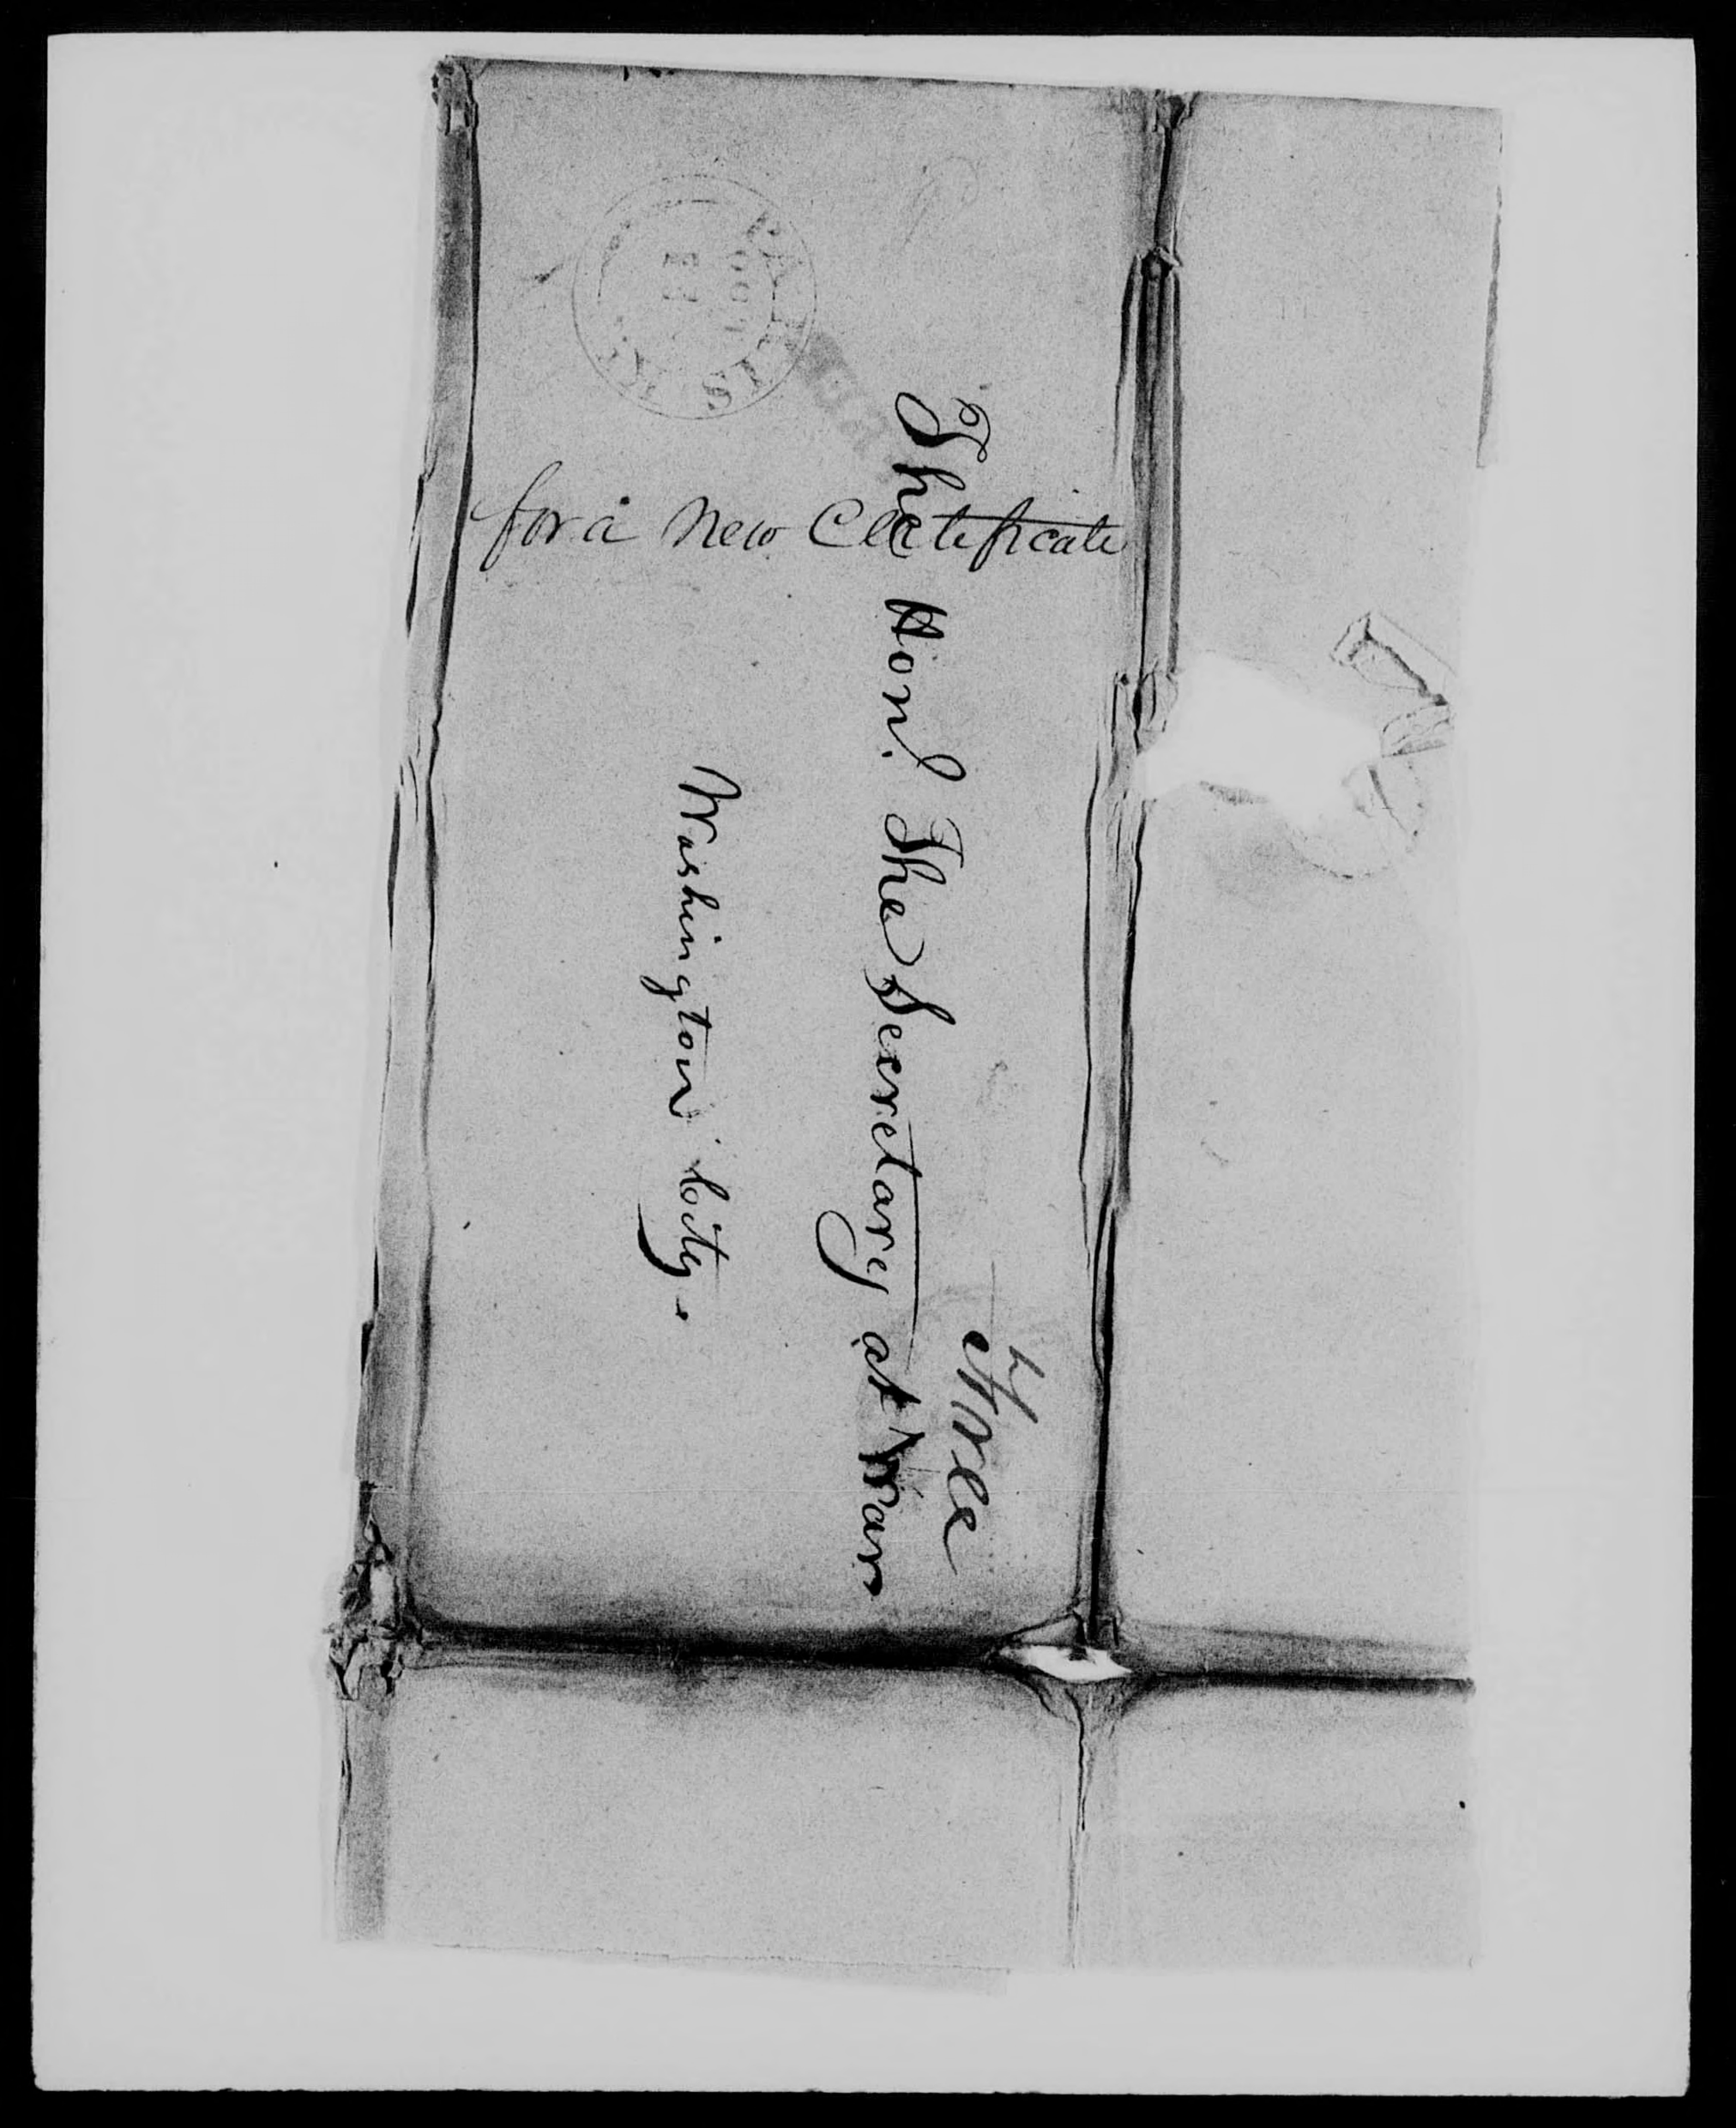[postage stamp]PARIS KY OCT 21

FREE [stamped]

for a new certificate
Honl. The Secretary at War
Washington City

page: 33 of 84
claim: widow's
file: W. 7744, Daniel Hickey, Penn.